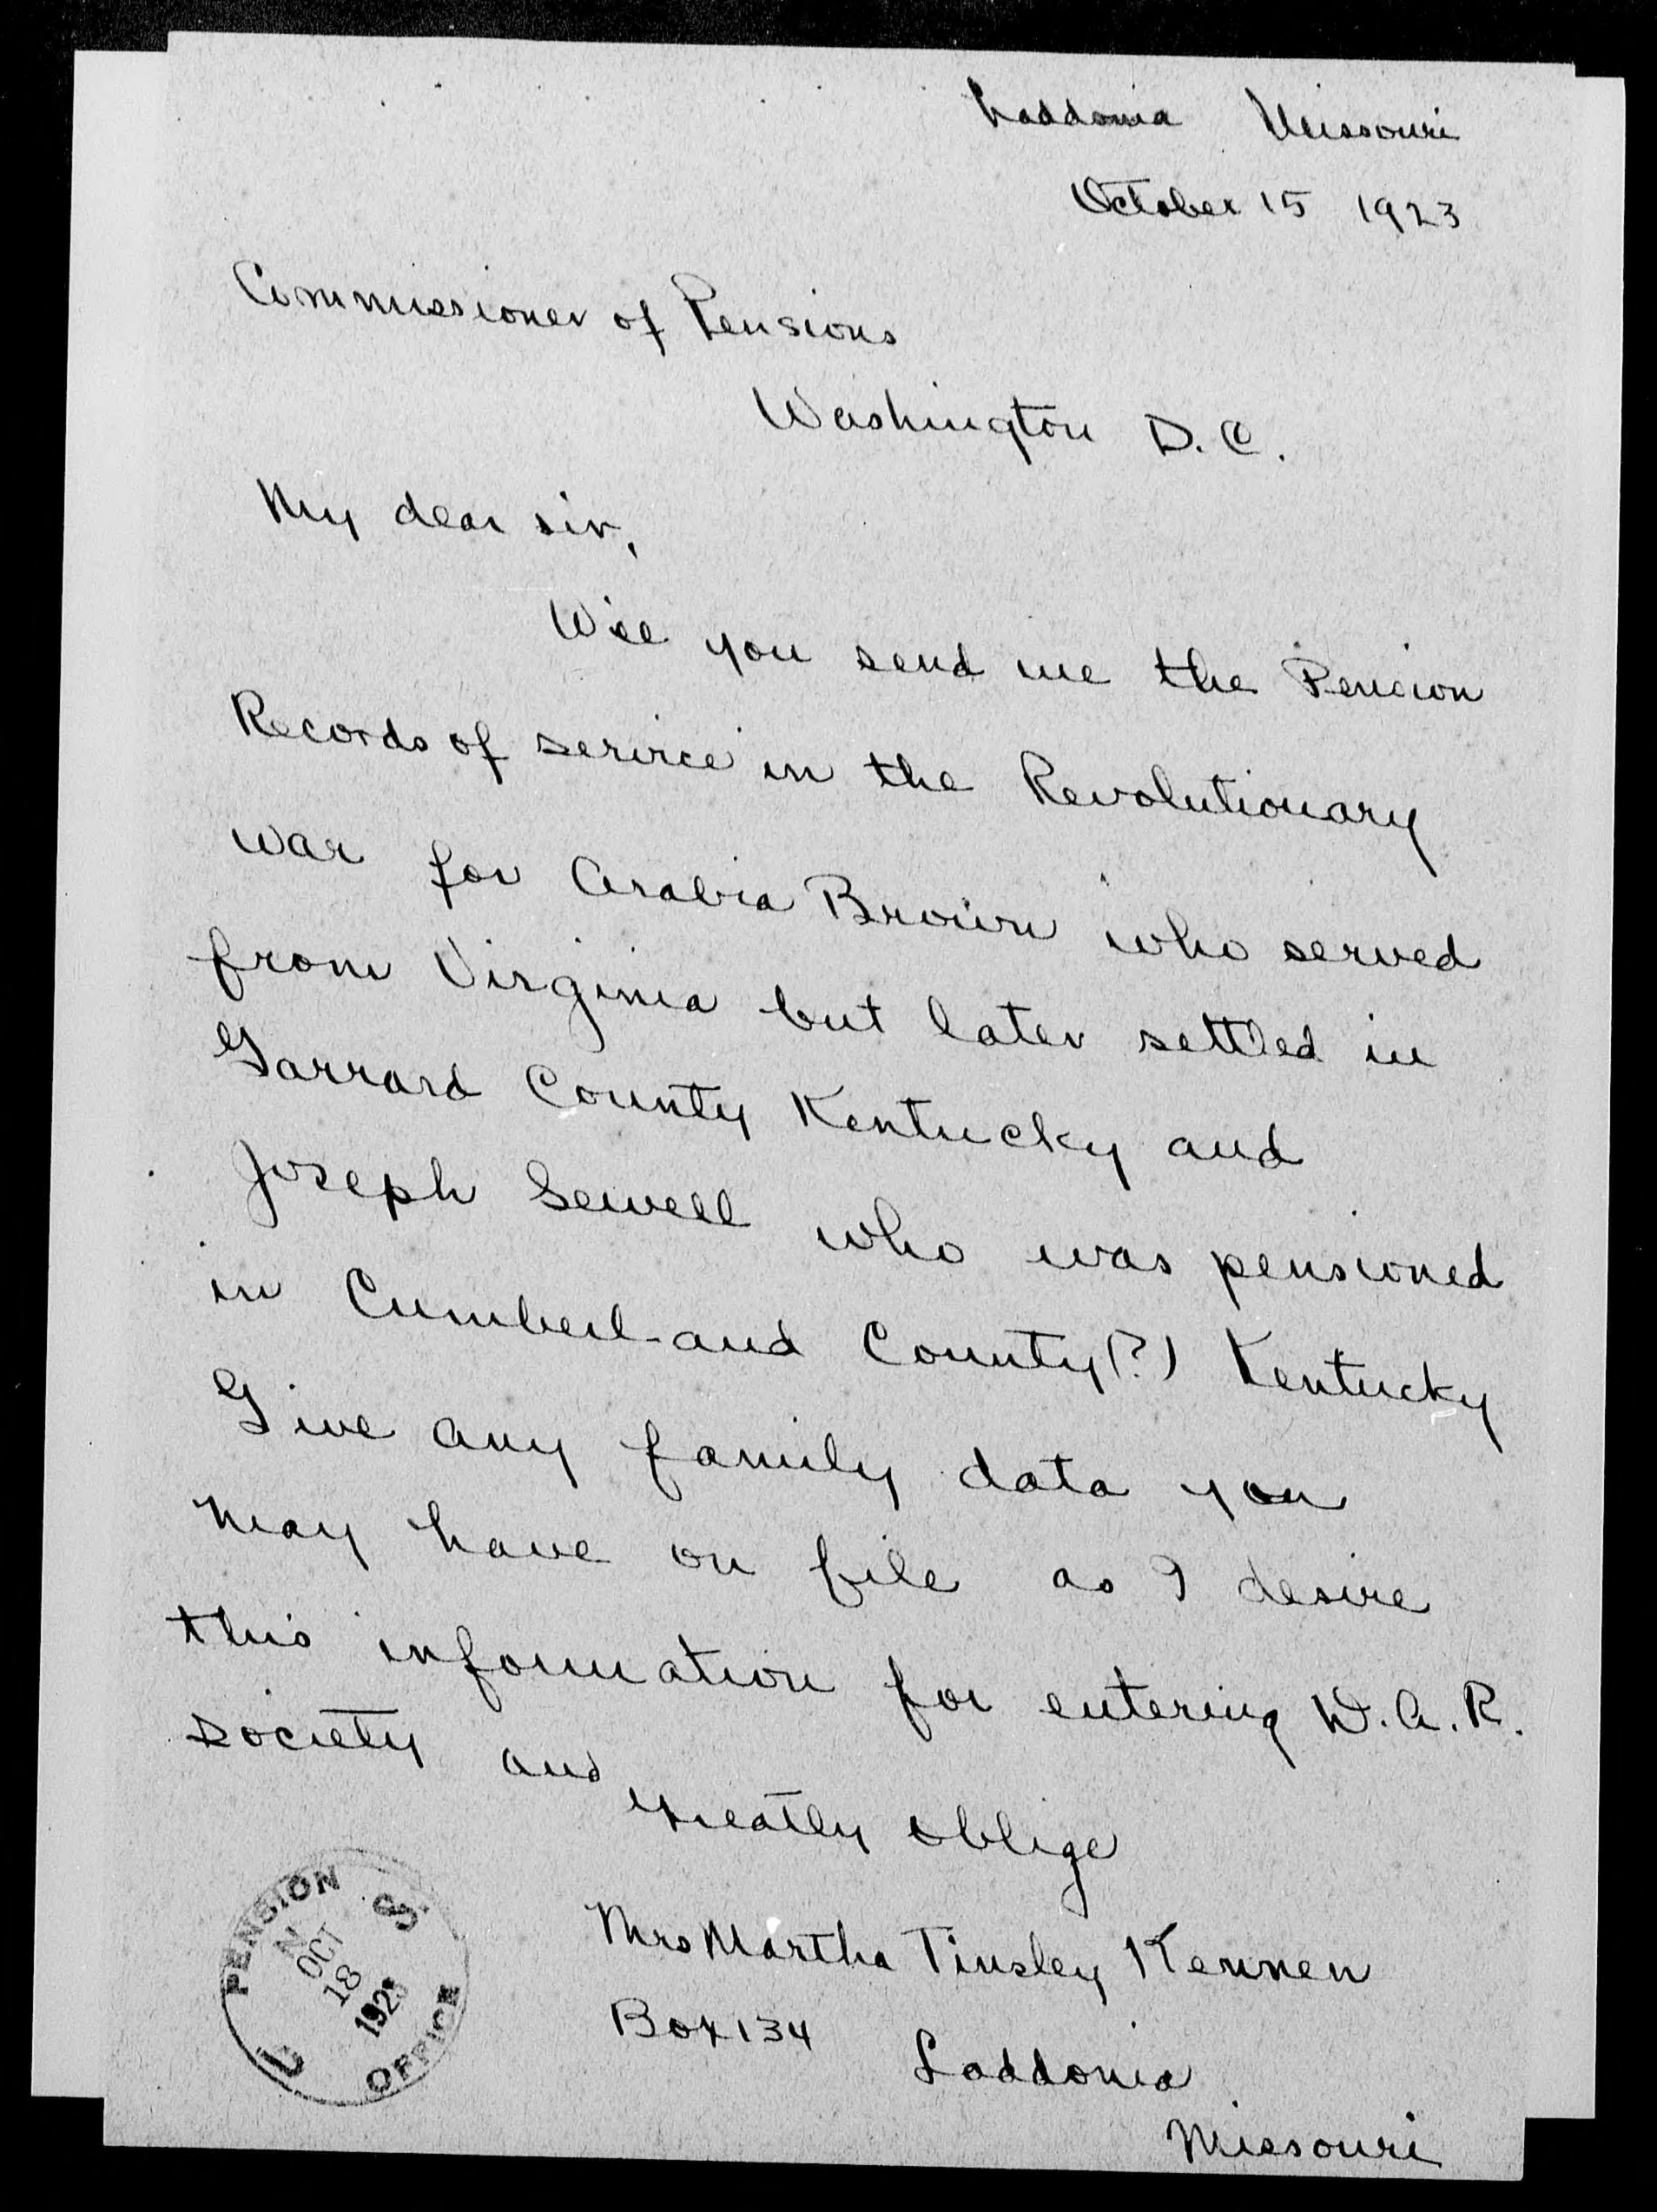Laddonia Missouri
October 15 1923
Commissioner of Pensions
Washington DC

My dear sin,
Will you send me the Pension
Records of service in the Revolutionary
war for Arabia Brown who served
from Virginia but later settled in
Garrard County Kentucky and
Joseph Sewell who was pensioned
In Cumberland County (?) Kentucky
Give any family data you
may have on file as I deserve
this information for entering D.A.R.
Society and  greatly oblige.
Mrs. Martha Tinsley Keuner 
Box 134
Laddonia
Missouri

STAMP:
Pension US Office N Oct 18 1923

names: Joseph Sewell, Arabia Brown, Martha Tinsley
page: 23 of 65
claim: widow's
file: W. 8384, Arabia Brown, Va.